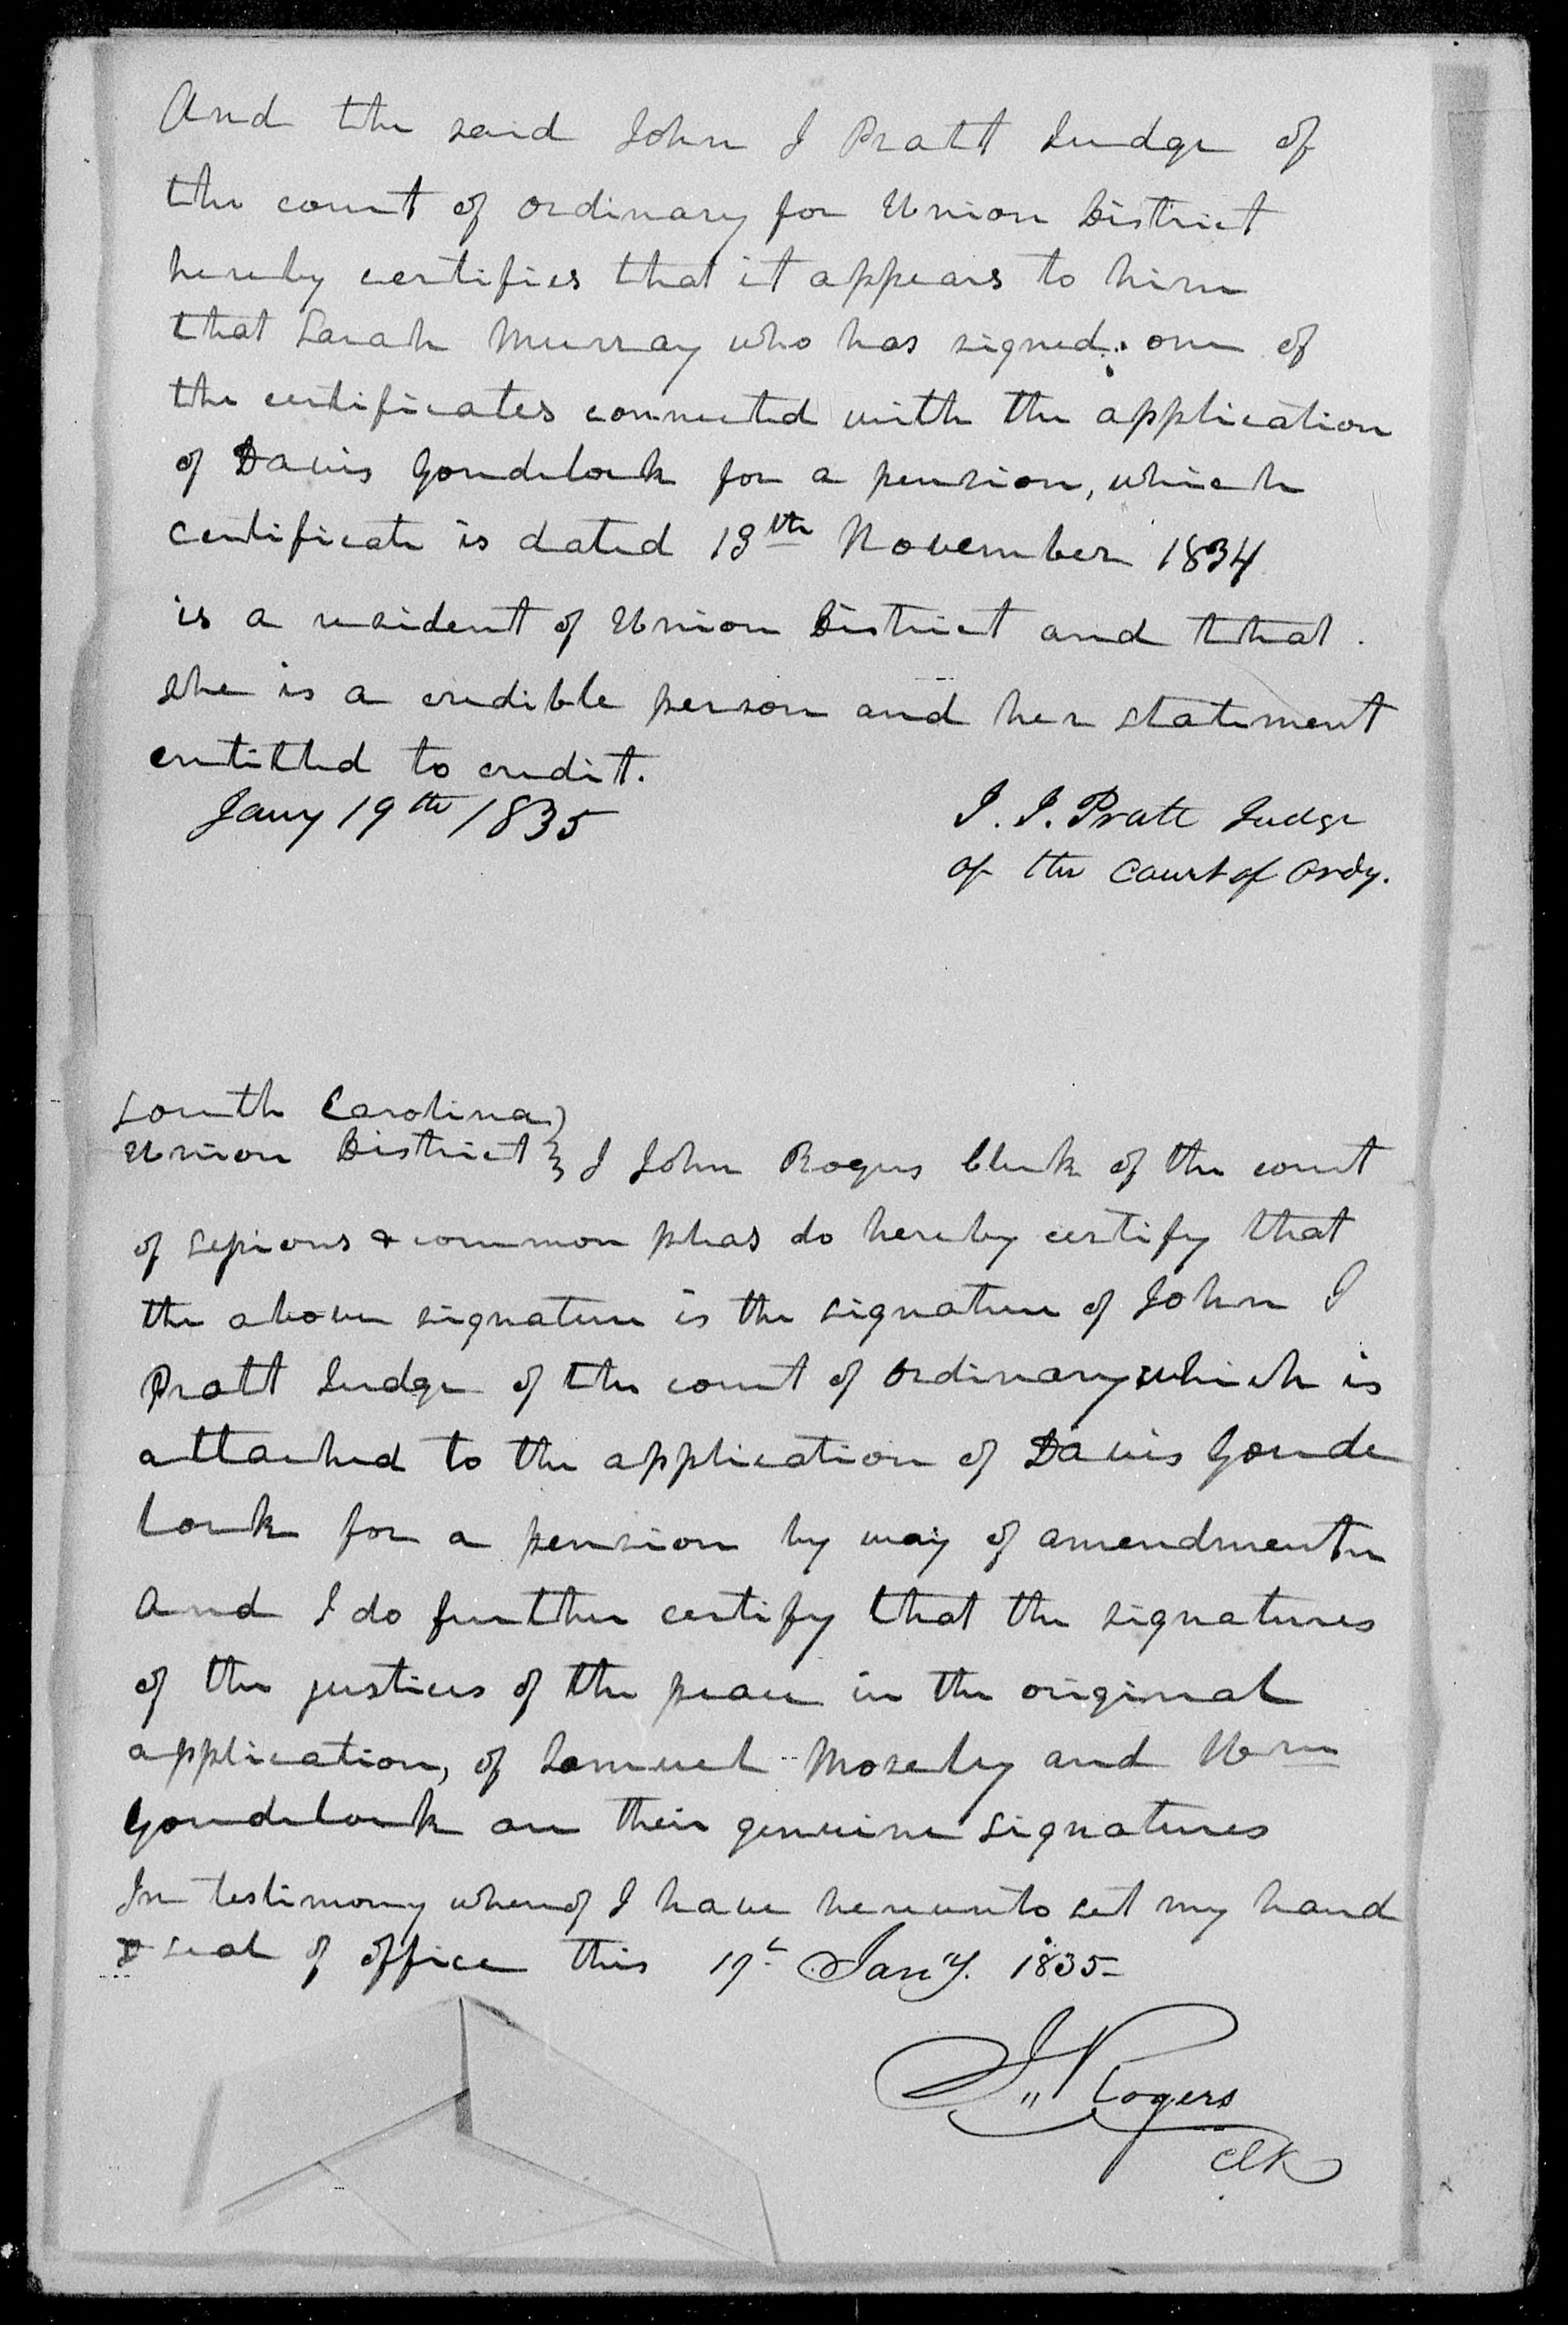And the said John J Pratt Judge of the court of Ordinary for Union District hereby certifies that it appears to him that Sarah Murray who has signed one of the certificates connected with the application of Davis Goudelock for a pension, which certificate is dated 13th November 1834 is a resident of Union District and that she is a credible person and her statement entitled to credit.
Jany 19th 1835
J. J. Pratt Judge of the Court of Ordy

South Carolina }
Union District }  I John Rogers  Clerk of the court of Sessions & common pleas do hereby certify that the above signature is the signature of John J Pratt Judge of the court of Ordinary which is attached to the application of Davis Goudelock for a pension by way of amendment and I do further certify that the signatures of the justices of the peace in the original application of Samuel Mosely and Wm Goudelock on their genuine signatures
In testimony whereof I have hereunto set my hand & seal of office this 17th Jany 1835-
J. Rogers
Clk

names: Samuel Morely, Wm Goudelock, J Rogers, John Rogers, John J Pratt, Davis Goudelock, Sarah Murray, Davis Goudelock, J J Pratt, John J Pratt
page: 7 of 18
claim: survivor's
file: S. 21,236, Davis Goudelock, S.C.